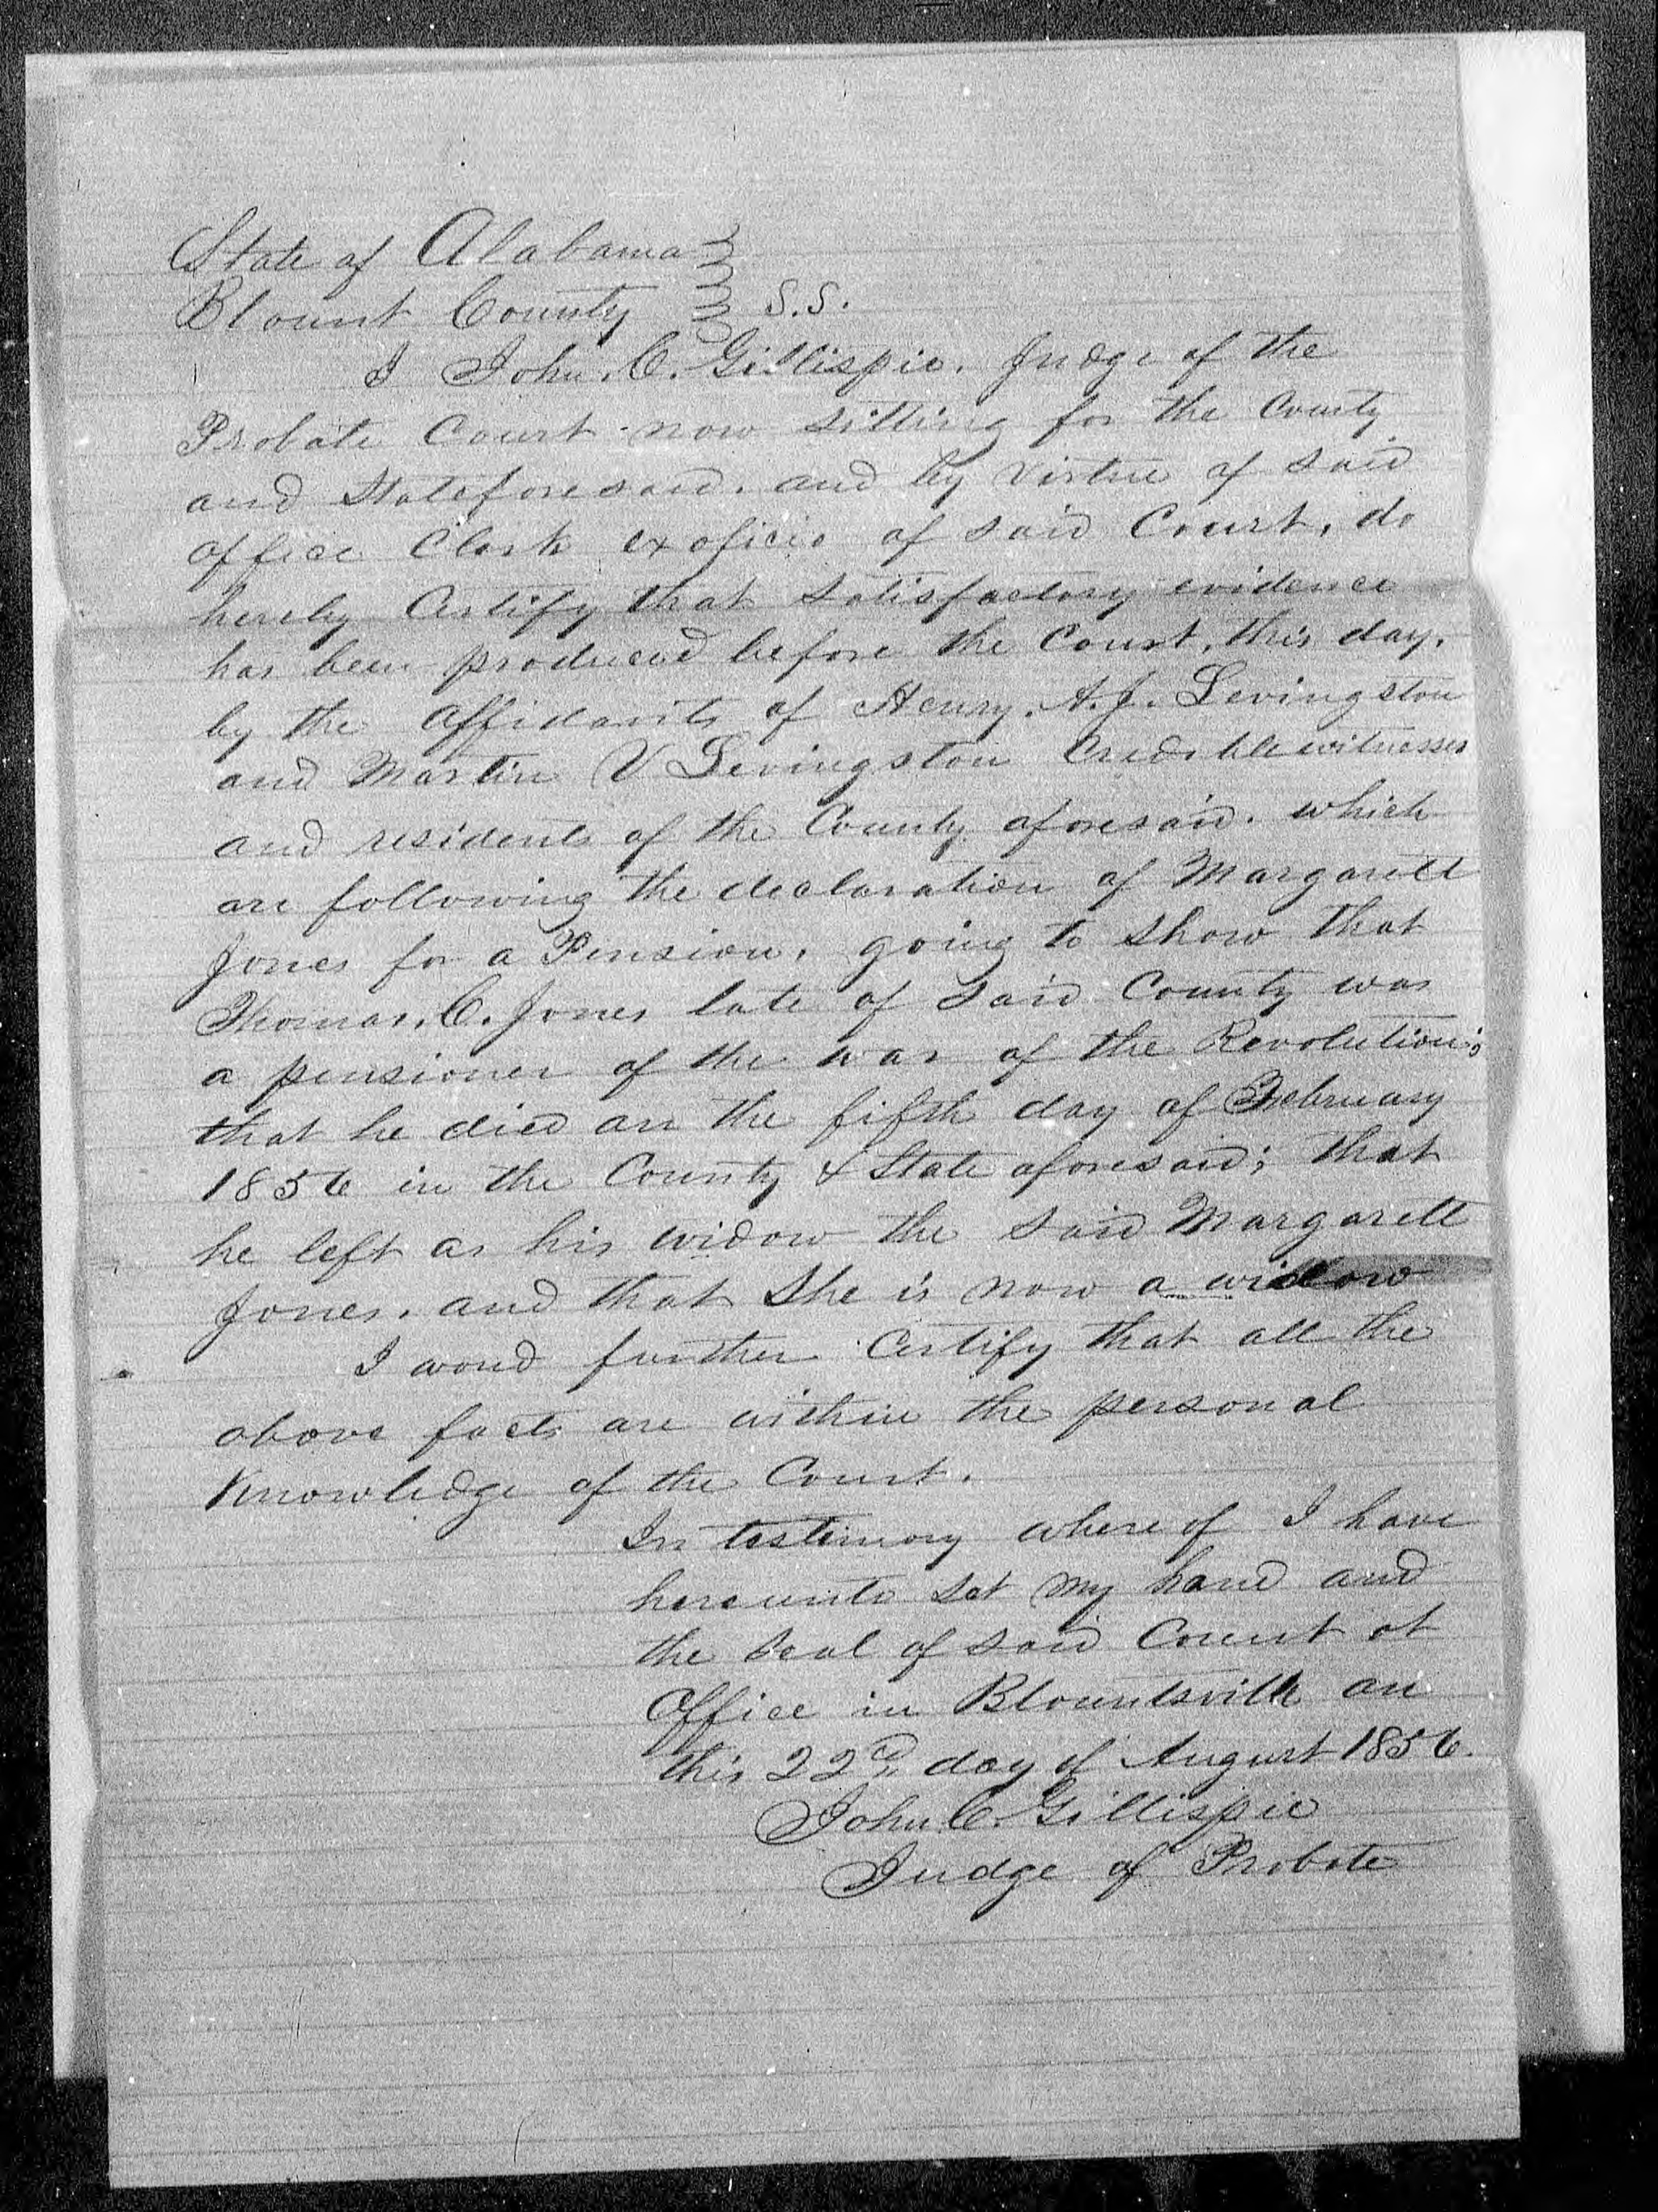State of Alabama
Blount County S.S.
I John C. Gillispie, Judge of the 
Probate Court now sitting for the county
and state aforesaid and by virtue of said
office clerk exoficio of said Court, do 
hereby Certify that satisfactory evidence
has been produced before the Court, this day
by the affidavits of Henry A. J. Livingston
and Martin V. Livingston credible witnesses
and resident of the County aforesaid which
are following the declaration of Margarett
Jones for a Pension going to show that
Thomas C. Jones late of said county was
a pensioner of the war of the Revolution
that he died on the fifth day of February
1856 in the County & State aforesaid; that 
he left as his widow the said Margarett
Jones and that she is now a widow.
In testimony whereof I have
hereuto set my hand and 
the Seal of said Court of 
Office in Blountsville on 
this 22nd day of August 1856.
John C. Gillispie
Judge of Probate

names: Margarett Jones; Martin V Levingston; John C Gillispie; Thomas C Jones; Henry A J Levingston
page: 37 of 45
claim: widow's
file: W. 26160, for Thomas C Jones, Georgia